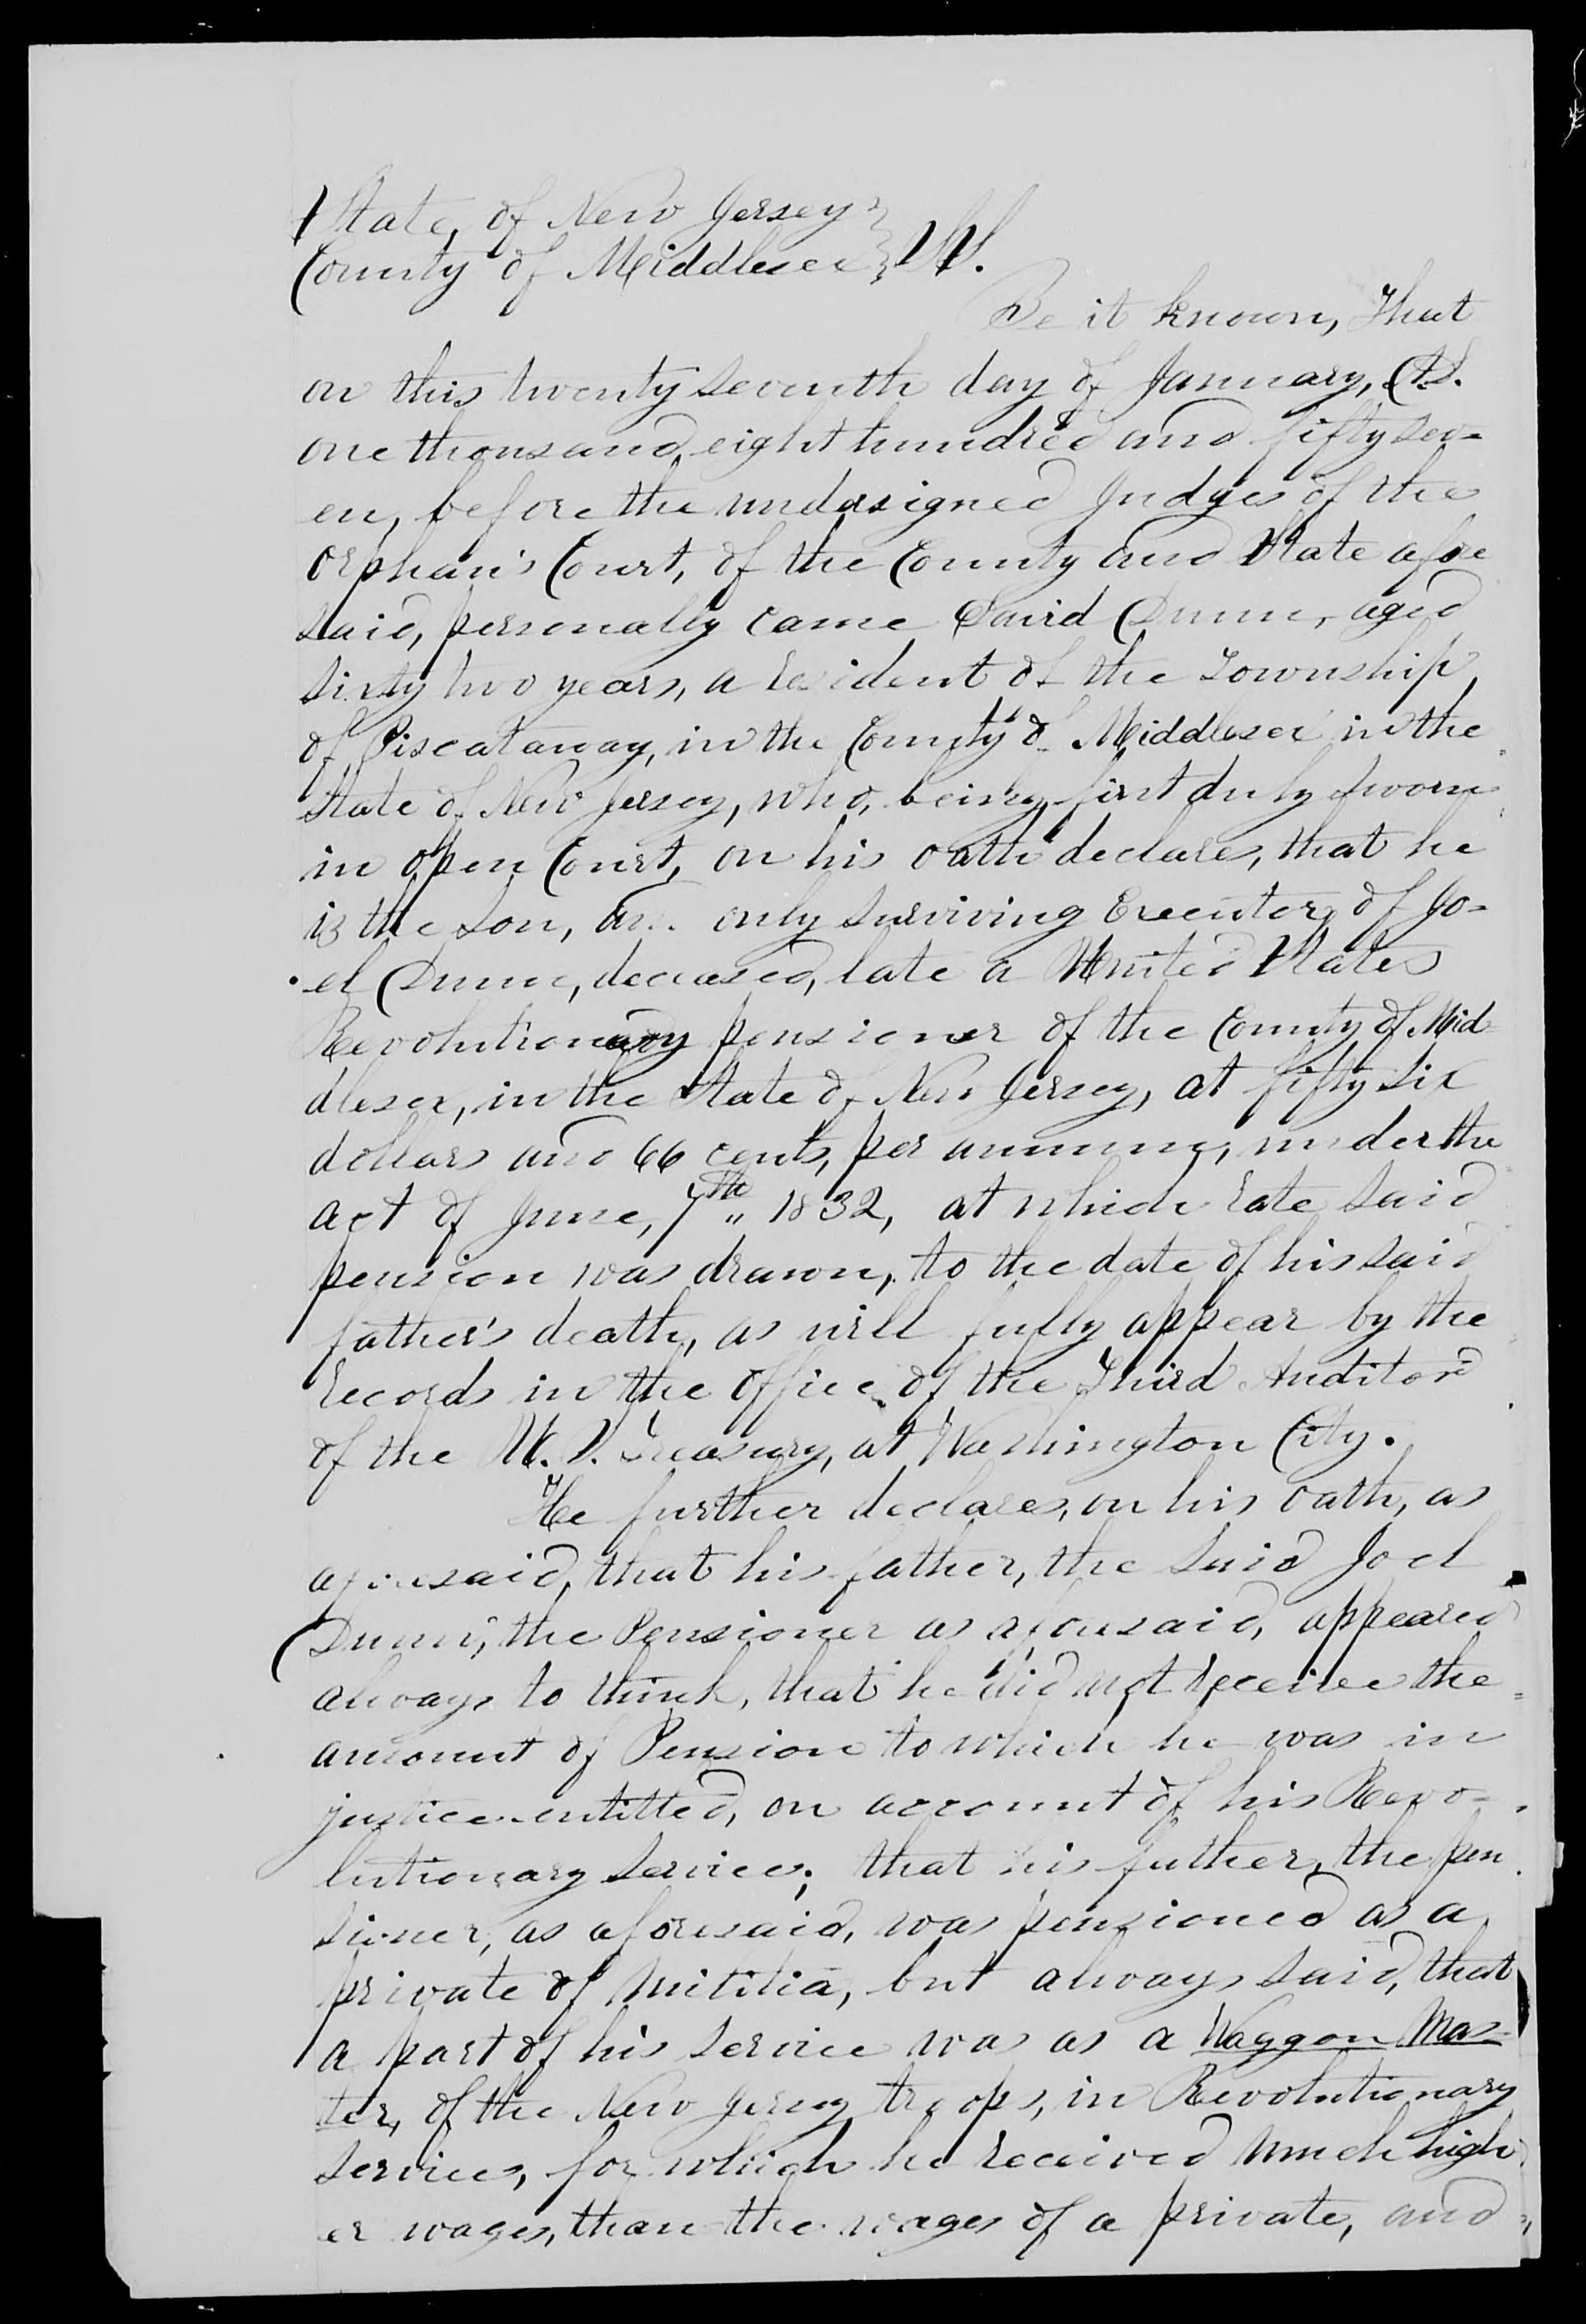State of New Jersey
County of Middleser } SS.
Be it known, That on this twenty seventh day of January, A.one thousand eight hundred and fifty seven, before the undersigned Judges of the
Orphan's Court, of the County and State aforesaid, personally came, David Dunn, aged
sixty two years, a resident of the Township of Piscataway, in the County of Middlesex in the
State of New Jersey, who being first duly sworn
in open Court, on his oath declares, that he
is the Son, and only surviving Executor of Joel 
Dunn deceased, late a United States
Revolutionary pensioner of the County of Middlesex, in the State of New Jersey, at fifty six dollars and 66 cents per annum, under the
act of June 7th 1832, at which late said pension was drawn, to the date of his said father's death, as will fully appear by the Records in the office of the Third Auditor of the U.S. Treasury, at Washington City.

He further declares, on his oath, as aforesaid, that his father, the said Joel Dunn, the Pensioner as aforesaid, appeared always to think, that he did not receive the amount of Pension to which he was in justice entitled on account of his Revolutionary service; that his father, the pensioner, as aforesaid, was pensioned as a private of militia, but always said, that a part of his service was as a Waggon master of the New Jersey troop, in Revolutionary service, for which he received much higher wages, then the wages of a private, and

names: Dunn, Joel Dunn, Joel Dunn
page: 13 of 52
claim: widow's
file: W. 919, Joel Dunn, New Jersey